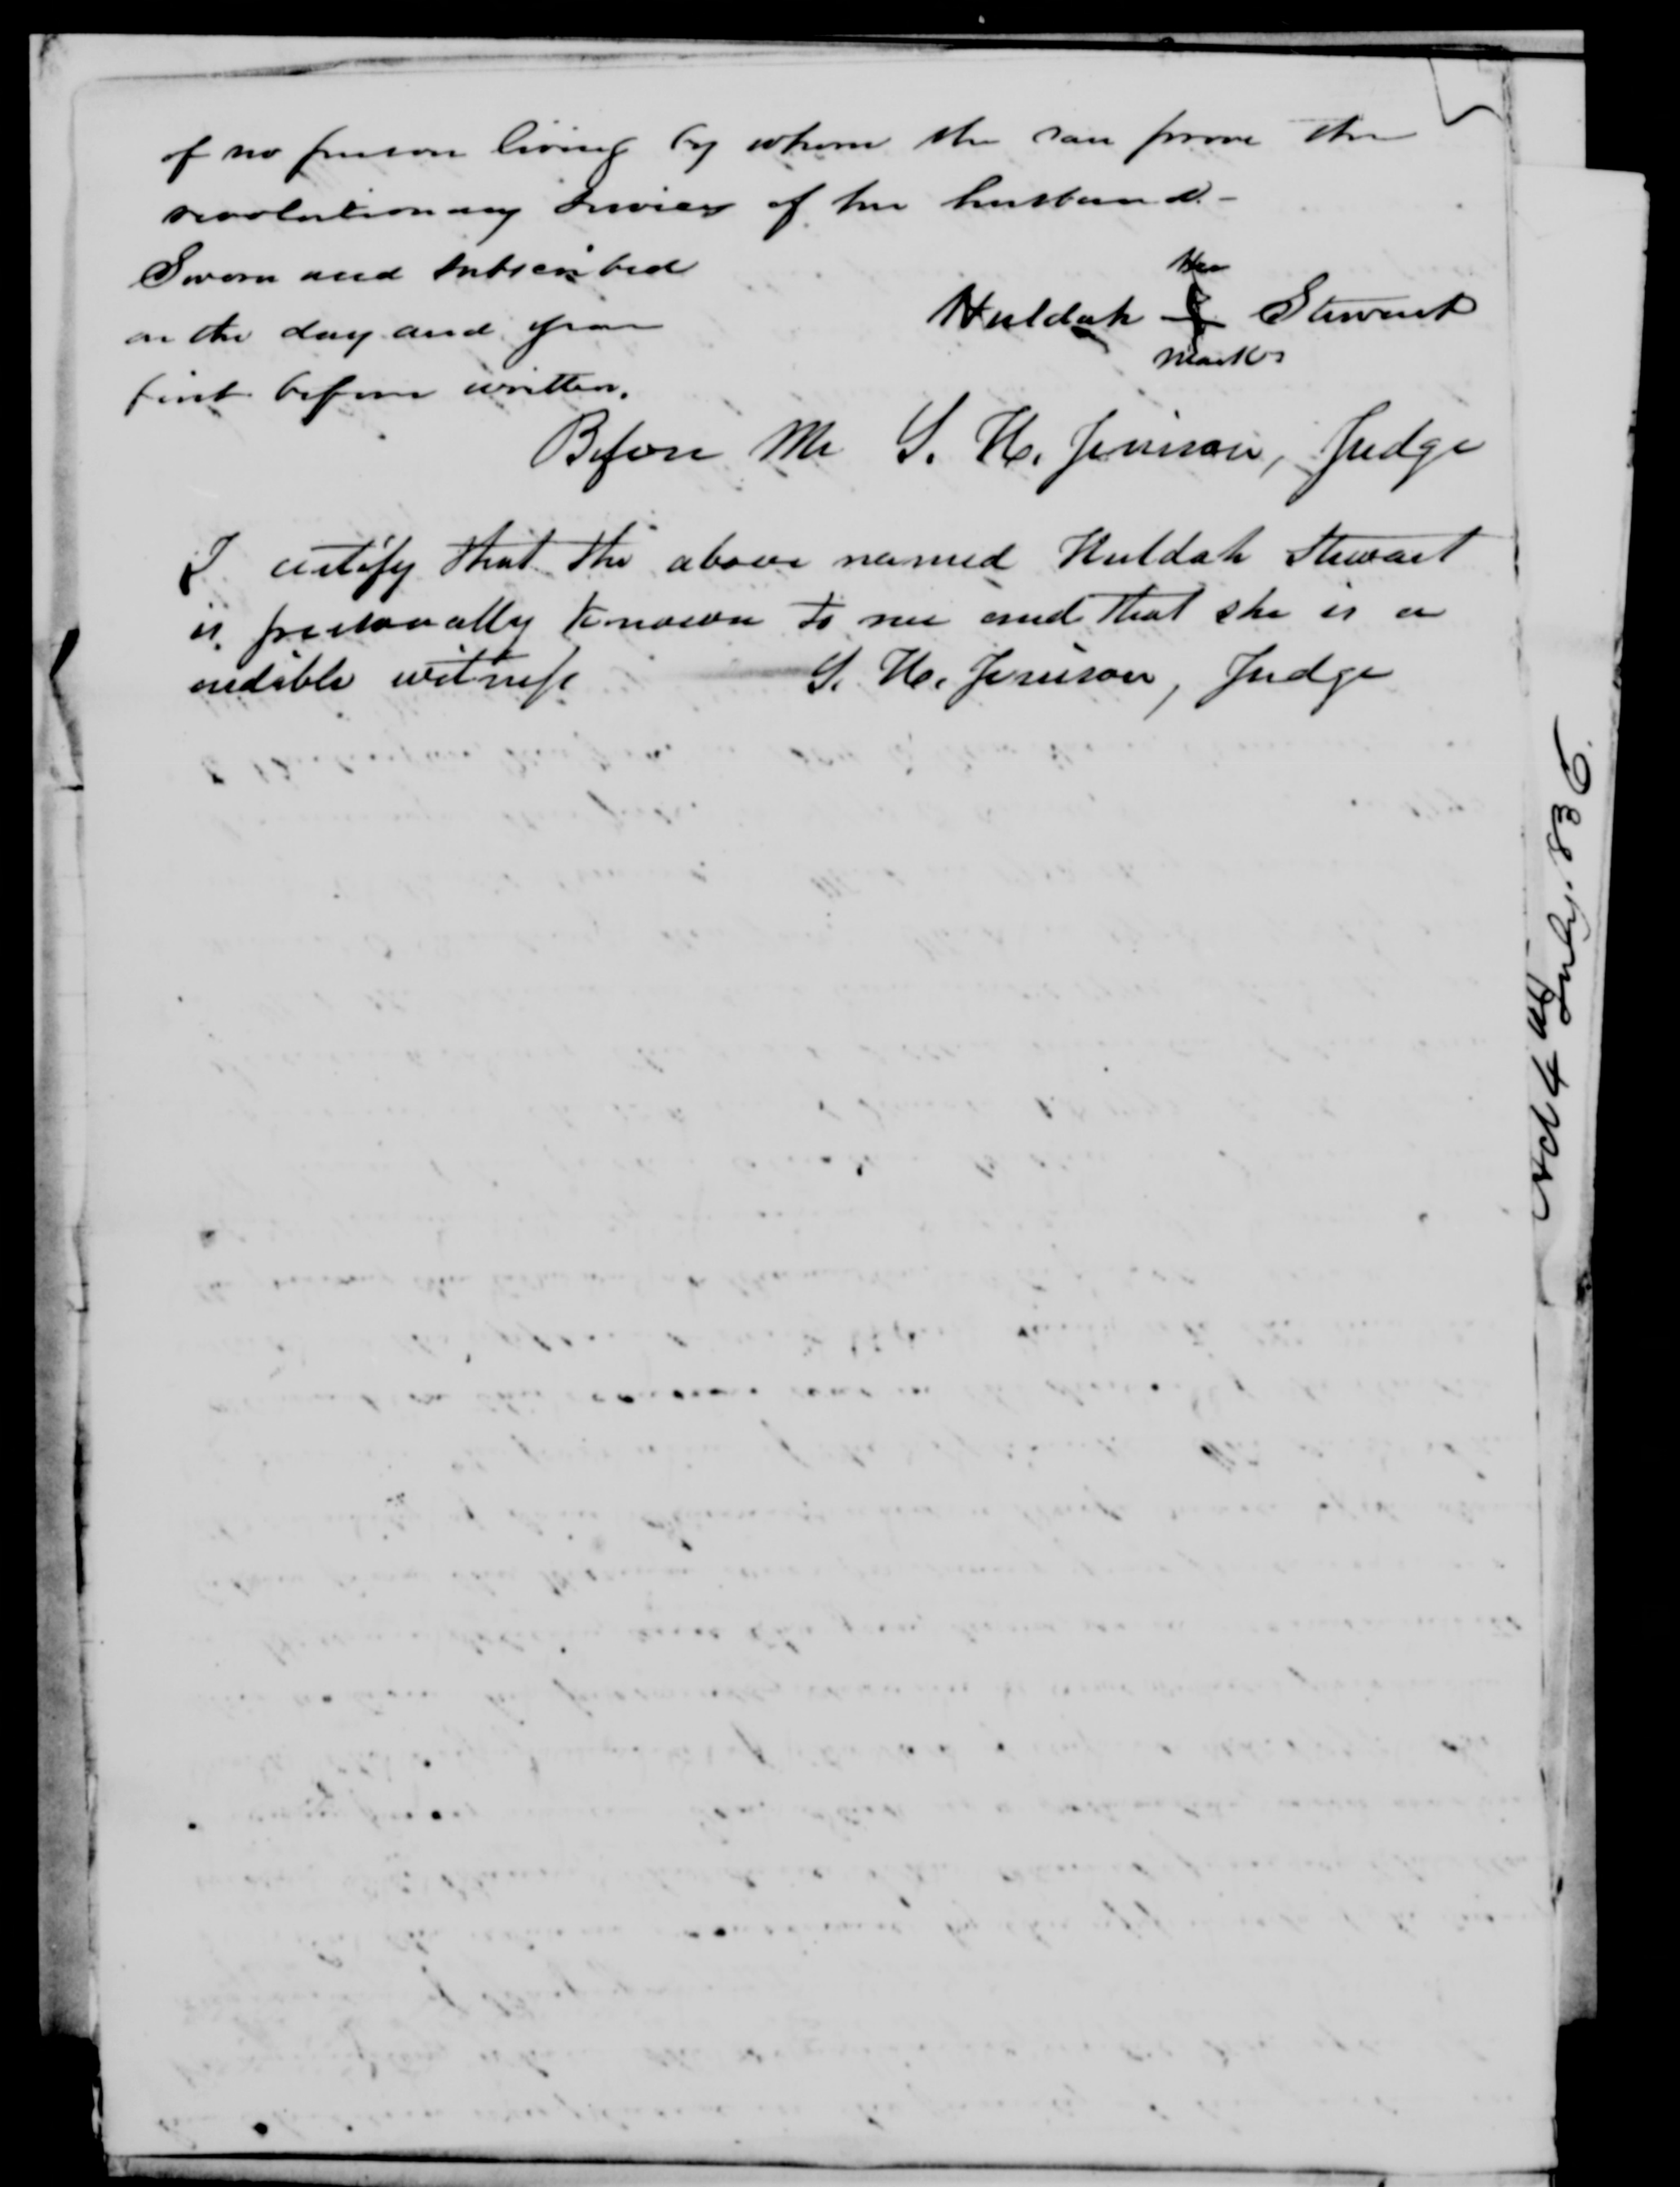of no person living by whom she can prove the
revolutionary service of her husband
Sworn and subscribed
on the day and year
first before written
Before Mr S.H. Jenison, Judge

Huldah her x mark Stewart

I certify that the above named Huldah Stewart
is personally known to me and that she is a
credible witness
S. H. Jenison, Judge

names: Huldah Stewart; S H Jenison; S H Jenison; Huldah Stewart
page: 7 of 26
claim: rejected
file: R. 10,154, for John Stewart, New Hampshire